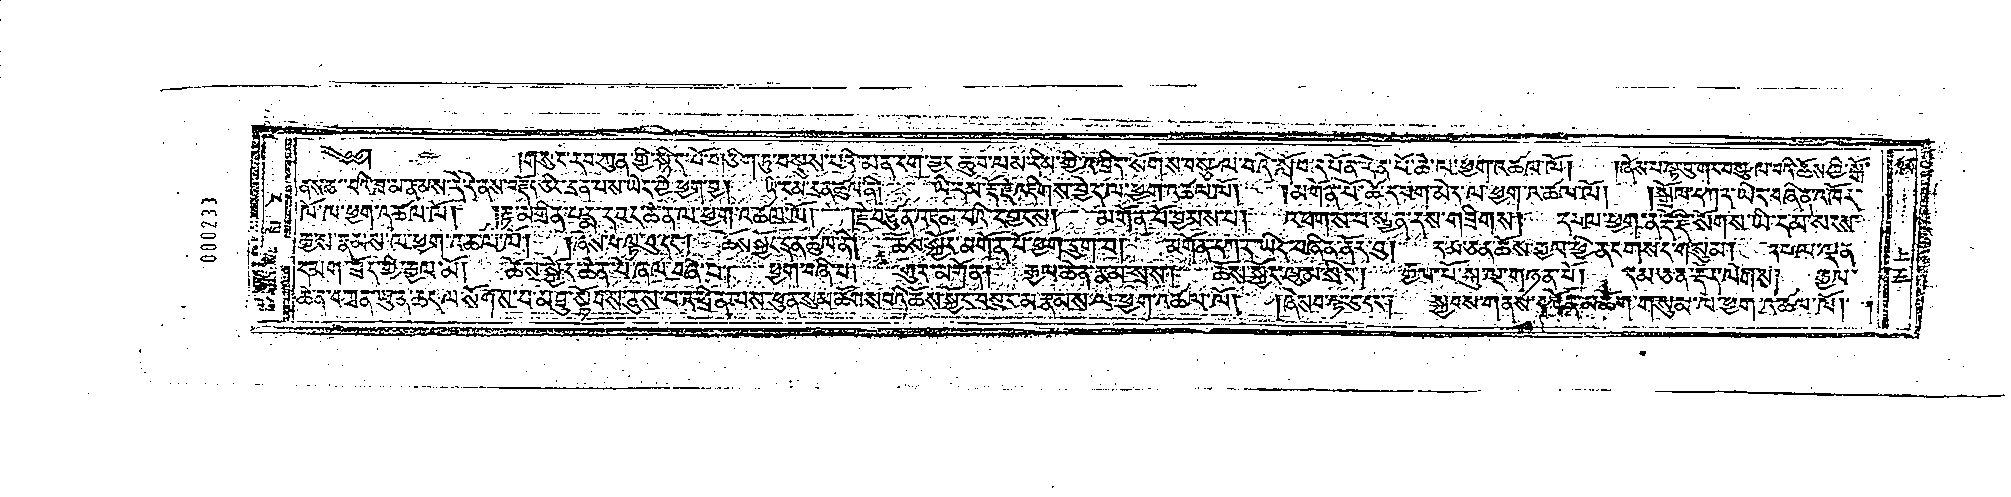༄༅། །གསུང་རབ་ཀུན་གྱི་སྙིང་པོ་གཅིག་ཏུ་བསྡུས་པའི་མན་ངག་བྱང་ཆུབ་ལམ་རིམ་གྱི་འཁྲིད་སོགས་བསྩལ་བའི་སློབ་དཔོན་རིན་པོ་ཆེ་ལ་ཕྱག་འཚལ་ལོ། །ཞེས་པ་ལྟ་བུ་གང་བསྩལ་བའི་ཆོས་ཀྱི་སྒོ་
ནས་རྩ་བའི་བླ་མ་རྣམས་རེ་རེ་ནས་བརྗོད་ཅིང་དྲན་པས་ཡིད་ཀྱི་ཕྱག་བྱ། ཡི་དམ་དྲན་ཚུལ་ནི། ཡི་དམ་རྡོ་རྗེ་འཇིགས་བྱེད་ལ་ཕྱག་འཚལ་ལོ། །མགོན་པོ་ཚེ་དཔག་མེད་ལ་ཕྱག་འཚལ་ལོ། །སྒྲོལ་དཀར་ཡིད་བཞིན་འཁོར་
ལོ་ལ་ཕྱག་འཚལ་ལོ། །རྟ་མགྲིན་པདམ་དབང་ཆེན་ལ་ཕྱག་འཚལ་ལོ། །རྗེ་བཙུན་འཇམ་བའི་དབྱངས། མགོན་པོ་བྱམས་པ། འཕགས་པ་སྤྱན་རས་གཟིགས། དཔལ་ཕྱག་ན་རྡོ་རྗེ་སོགས་ཡི་དམ་སངས་
རྒྱས་རྣམས་ལ་ཕྱག་འཚལ་ལོ། །ཞེས་པ་ལྟ་བུ་དང་། ཆོས་སྐྱོང་དྲན་ཚུལ་ནི། ཆོས་སྐྱོང་མགོན་པོ་ཕྱག་དྲུག་བ། མགོན་དཀར་ཡིད་བཞིན་ནོར་བུ། དམ་ཅན་ཆོས་རྒྱལ་ཕྱི་ནང་གསང་གསུམ། དཔལ་ལྡན་
དམག་ཟོད་གྱི་རྒྱལ་མོ། ཆོས་སྐྱོང་ཆེན་པོ་ཞལ་བཞི་པ། ཕྱག་བཞི་པ། གུར་མགོན། རྒྱལ་ཆེན་རྣམ་སྲས། ཆོས་སྐྱོང་ལྕམ་སྲིང་། རྒྱལ་པོ་སྐུ་ལྔ་གཉན་པོ། དམ་ཅན་རྡོར་ལེགས། རྒྱལ་
ཆེན་བཀྭན་ཡུན་ཆང་ལ་སོགས་པ་མཐུ་སྟོབས་ནུས་བ་འཕྲིན་ལས་ཕུན་སུམ་ཚོགས་པའི་ཆོས་སྐྱོང་བསྲུང་མ་རྣམས་ལ་ཕྱག་འཚལ་ལོ། །ཞེས་པ་ལྟ་བུ་དང་། སྐྱབས་གནས་དཀོན་མཆོག་གསུམ་ལ་ཕྱག་འཚལ་ལོ། །